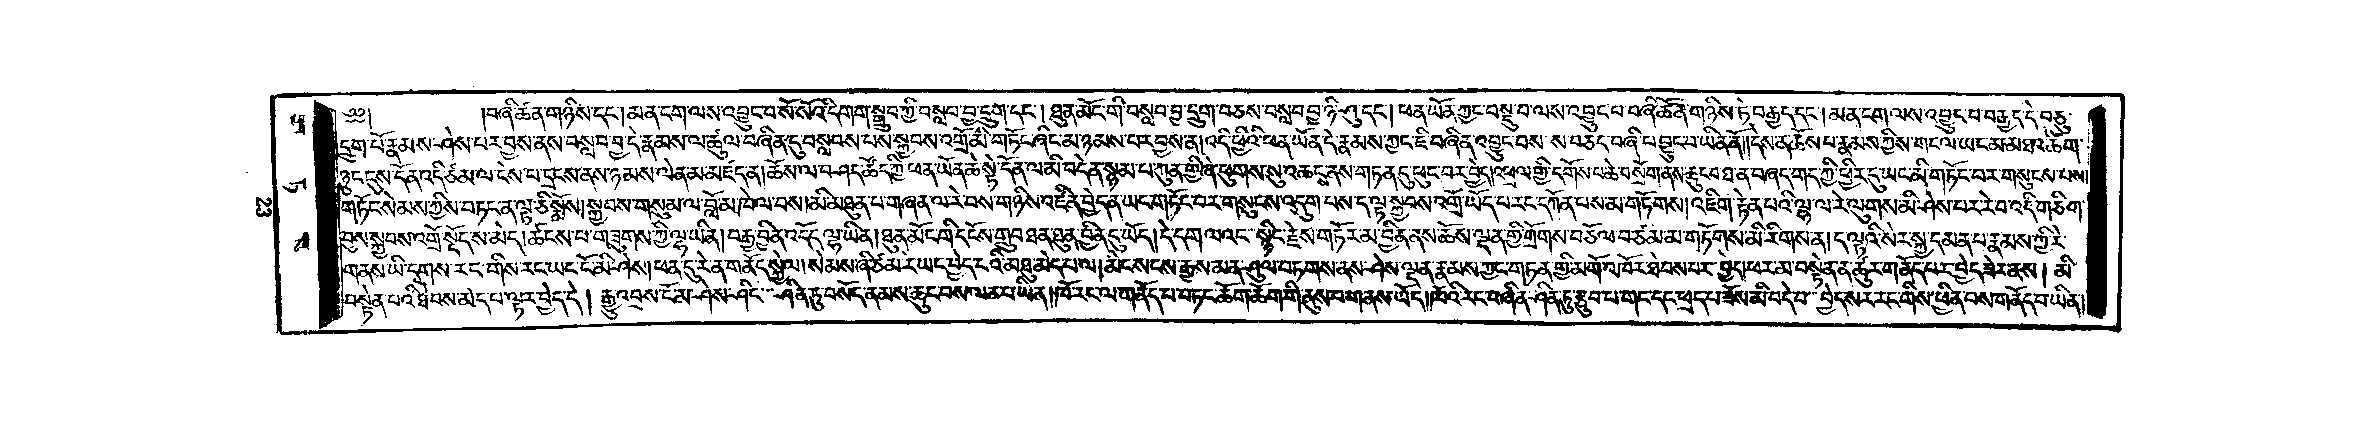༄༅། །བཞི་ཚན་གཉིས་དང་། མན་ངག་ལས་འབྱུང་བ་སོ་སོའི་དགག་སྒྲུབ་ཀྱི་བསླབ་བྱ་དྲུག་དང་། ཐུན་མོང་གི་བསླབ་བྱ་དྲུག་བཅས་བསླབ་བྱ་ཉི་ཤུ་དང་། ཕན་ཡོན་ཀྱང་བསྡུ་བ་ལས་འབྱུང་བ་བཞི་ཚོན་གཉིས་ཏེ་བརྒྱད་དང་། མན་ངག་ལས་འབྱུང་བ་བརྒྱད་དེ་བཅུ་
དྲུག་པོ་རྣམས་ཤེས་པར་བྱས་ནས་བསླབ་བྱ་དེ་རྣམས་ལ་ཚུལ་བཞིན་དུ་བསླབས་པས་སྐྱབས་འགྲོ་མི་གཏོང་ཞིང་མ་ཉམས་པར་བྱས་ན། འདི་ཕྱིའི་ཕན་ཡོན་དེ་རྣམས་ཀྱང་ཇི་བཞིན་འབྱུང་བས་ས་བཅད་བཞི་པ་བྱུང་བ་ཡིན་ནོ། །དེས་ན་ཆོས་པ་རྣམས་ཀྱིས་གང་ལ་ཡང་མ་མཐའ་ཚིག་
ཉུང་དུས་དོན་འདི་ཙམ་ལ་ངེས་པ་དྲངས་ནས་ཉམས་ལེན་མ་མཛད་ན། ཆོས་ལ་བཤད་ཚོད་ཀྱི་ཕན་ཡོན་ཆེ་སྟེ་དོན་ལ་མི་བདེན་སྙམ་པ་ཀུན་གྱི་ཞེ་ཕུགས་སུ་འཆངས་ནས་གཏན་དུ་ཕུང་བར་བྱེད། འཕྲལ་གྱི་དགོས་པ་ཆེ་བ་སྲོག་ནས་ཆུང་བ་ཐ་ན་བཞད་གད་ཀྱི་ཕྱིར་དུ་ཡང་མི་གཏོང་བར་གསུངས་པས།
གཏོང་སེམས་ཀྱིས་བཏང་ན་ལྟ་ཅི་སྨོས། སྐྱབས་གསུམ་ལ་བློ་མ་ཁེལ་བས། མི་མཐུན་པ་གཞན་ལ་རེ་བས་གཉིས་འཛིན་བྱེད་ན་ཡང་གཏོང་བར་གསུངས་འདུག་པས་ད་ལྟ་སྐྱབས་འགྲོ་ཡོད་པ་རང་དཀོན་པས་མ་གཏོགས། འཇིག་རྟེན་པའི་ལྷ་ལ་རེ་ལུགས་མི་ཤེས་པར་རེ་བ་འདི་གཅིག་
བུས་སྐྱབས་འགྲོ་སྡོད་ས་མེད། ཚངས་པ་གཟུགས་ཀྱི་ལྷ་ཡིན། བརྒྱ་བྱིན་འདོད་ལྷ་ཡིན། ཐུན་མོང་གི་དངོས་གྲུབ་ཐན་ཐུན་བྱིན་དུ་ཡོད། དེ་དག་ལའང་སྙིང་རྗེས་གཏོར་མ་བྱིན་ནས་ཆོས་ལྡན་གྱི་གྲོགས་བཅོལ་བ་ཙམ་མ་གཏོགས་མི་རིགས་ན། ད་ལྟའི་སེར་སྐྱ་དམན་པ་རྣམས་ཀྱི་རེ་
གནས་ཡི་དྭགས་རང་གིས་རང་ཡང་ངོ་མི་ཤེས། ཕན་དུ་རེ་ན་གནོད་སྐྱེལ། སེམས་ཞི་ཙམ་རེ་ཡང་བྱེད་པའི་མཐུ་མེད་པ་ལ། མིང་སངས་རྒྱས་མན་ཤུལ་བཏགས་ནས་ཤེས་ལྡན་
རྣམས་ཀྱང་གཏན་གྱི་མགོ་འཁོར་ཐེབས་པར་བྱེད། ཕར་མ་བསྟེན་ན་ཚུར་གནོད་པར་བྱེད་ཟེར་ནས། མི་
བསྟེན་པའི་ཐེབས་མེད་པ་ལྟར་བྱེད་དེ། རྒྱུ་འབྲས་ངོ་མ་ཤེས་ཤིང་ཤིན་ཏུ་བསོད་ནམས་ཆུང་བས་ལན་པ་ཡིན། ཁོ་རང་ལ་གནོད་པ་བཏང་ཆོག་ཆོག་གི་ནུས་པ་གནས་ཡོད། ཁོའི་རང་བཞིན་ཤིན་ཏུ་རྩུབ་པ་གང་དང་ཕྲད་པ་ཟོས་མི་བདེ་བ་བྱེད་སར་རང་གིས་ཕྱིན་པས་གནོད་པ་ཡིན།